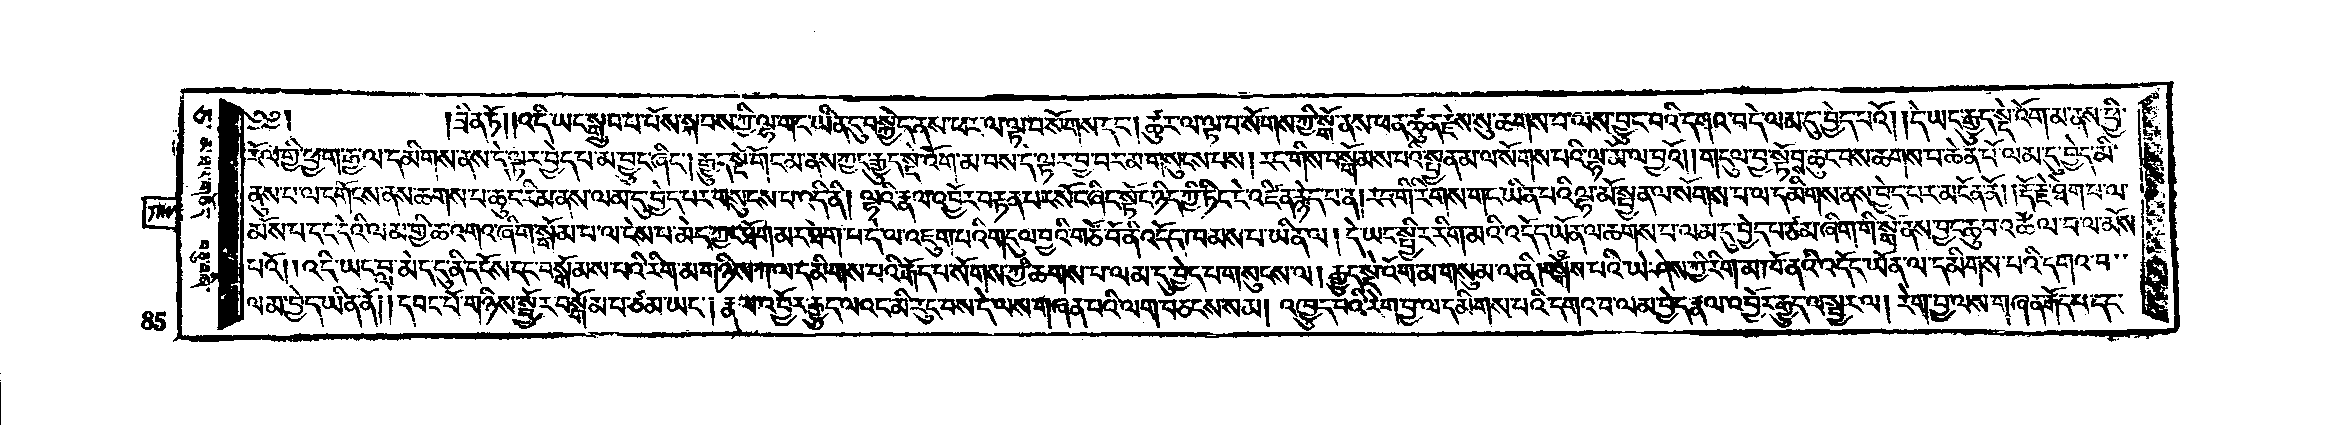༄༅། །ཟིན་ཏོ། །འདི་ཡང་སྒྲུབ་པ་པོས་སྐབས་ཀྱི་ལྷ་གང་ཡིན་དུ་བསྐྱེད་ནས་ཕར་ལ་ལྟ་བ་སོགས་དང་། ཚུར་ལ་ལྟ་བ་སོགས་ཀྱི་སྒོ་ནས་ཕན་ཚུན་རྗེས་སུ་ཆགས་པ་ལས་བྱུང་བའི་དགའ་བདེ་ལམ་དུ་བྱེད་པའོ། །དེ་ཡང་རྒྱུད་སྡེ་འོག་མ་ནས་ཕྱི་
རོལ་གྱི་ཕྱག་རྒྱ་ལ་དམིགས་ནས་དེ་ལྟར་བྱེད་པ་མ་བྱུང་ཞིང་། རྒྱུད་སྡེ་གོང་མ་ནས་ཀྱང་རྒྱུད་སྡེ་འོག་མ་བས་དེ་ལྟར་བྱ་བར་མ་གསུངས་པས། རང་གིས་བསྒོམས་པའི་སྤྱན་མ་ལ་སོགས་པའི་ལྷ་མོ་ལ་བྱའོ། །གདུལ་བྱ་སྟོབས་ཆུང་བས་ཆགས་པ་ཆེན་པོ་ལམ་དུ་བྱེད་མི་
ནུས་པ་ལ་དགོངས་ནས་ཆགས་པ་ཆུང་རིམ་ནས་ལམ་དུ་བྱེད་པར་གསུངས་པ་འདི་ནི། ལྷའི་རྣལ་འབྱོར་བརྟན་པར་སོང་ཞིང་སྟོང་ཉིད་ཀྱི་ཏིང་ངེ་འཛིན་རྙེད་པ་ན། རང་གི་རིགས་གང་ཡིན་པའི་ལྷ་མོ་སྤྱན་ལ་སོགས་པ་ལ་དམིགས་ནས་བྱེད་པར་མངོན་ནོ། །རྡོ་རྗེ་ཐེག་པ་ལ་
མོས་པ་དང་དེའི་ལམ་གྱི་ཆ་འགའ་ཞིག་སྒོམ་པ་ལ་ངེས་པ་མེད་ཀྱང་ཐོག་མར་ཐེག་པ་དེ་ལ་འཇུག་པའི་གདུལ་བྱའི་གཙོ་བོ་ནི་འདོད་ཁམས་པ་ཡིན་ལ། དེ་ཡང་སྤྱིར་རིག་མའི་འདོད་ཡོན་ལ་ཆགས་པ་ལམ་དུ་བྱེད་པ་ཙམ་ཞིག་གི་སྒོ་ནས་བྱང་ཆུབ་འཚོལ་བ་ལ་མོས་
པའོ། །འདི་ཡང་བླ་མེད་དུ་ནི་དངོས་དང་བསྒོམས་པའི་རིག་མ་གཉིས་ཀ་ལ་དམིགས་པའི་རྒོད་པ་སོགས་ཀྱི་ཆགས་པ་ལམ་དུ་བྱེད་པ་གསུངས་ལ། རྒྱུད་སྡེ་འོག་མ་གསུམ་ལ་ནི། བསྒོམས་པའི་ཡེ་ཤེས་ཀྱི་རིག་མ་ཁོ་ནའི་འདོད་ཡོན་ལ་དམིགས་པའི་དགའ་བ་
ལམ་བྱེད་ཡིན་ནོ། །དབང་པོ་གཉིས་སྦྱོར་བསྒོམ་པ་ཙམ་ཡང་། རྣལ་འབྱོར་རྒྱུད་ལའང་མི་རུང་བས་དེ་ལས་གཞན་པའི་ལག་བཅངས་སམ། འཁྱུད་པའི་རེག་བྱ་ལ་དམིགས་པའི་དགའ་བ་ལམ་བྱེད་རྣལ་འབྱོར་རྒྱུད་ལ་སྦྱར་ལ། རེག་བྱ་ལས་གཞན་རྒོད་པ་དང་